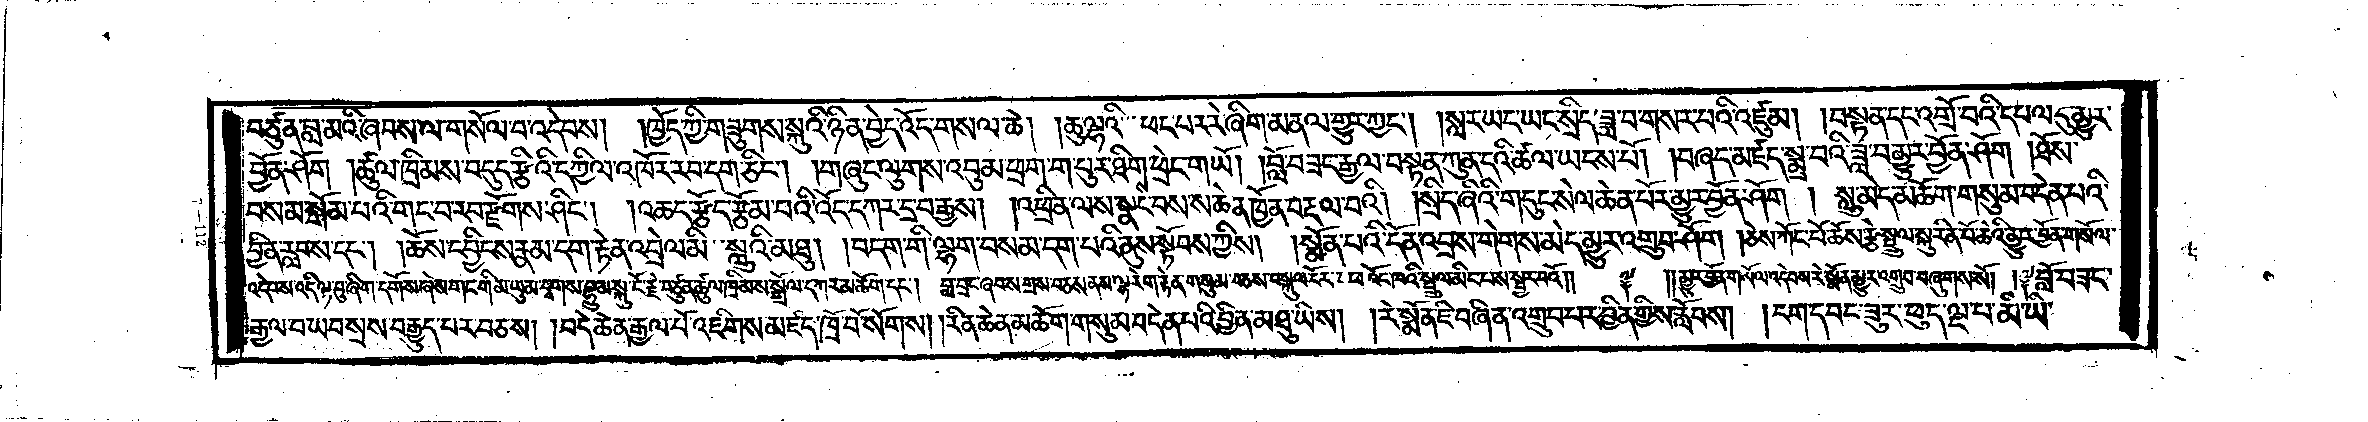བཙུན་བླ་མའི་ཞབས་ལ་གསོལ་བ་འདེབས། །ཁྱོད་ཀྱི་གཟུགས་སྐུའི་ཉིན་བྱེད་འོད་གསལ་ཆེ། །ཆུ་ལྷའི་ཕང་པར་རེ་ཞིག་མནལ་གྱུར་ཀྱང་། །སླར་ཡང་ཡང་སྲིད་ཟླ་བ་གསར་བའི་འཛུམ། །བསྟན་དང་འགྲོ་བའི་དཔལ་དུ་མྱུར་
བྱོན་ཤོག །ཚུལ་ཁྲིམས་བདུད་རྩིའི་དཀྱིལ་འཁོར་རབ་དག་ཅིང་། །གཞུང་ལུགས་འབུམ་ཕྲག་ག་པུར་ཐིགས་ཕྲེང་གཡོ། །བློ་བཟང་རྒྱལ་བསྟན་ཀུན་དའི་ཚལ་ཡངས་པོ། །བཞད་མཛད་སྨྲ་བའི་ཟླ་བ་མྱུར་བྱོན་ཤོག །ཐོས་
བསམ་སྒོམ་པའི་གང་བ་རབ་རྫོགས་ཤིང་། །འཆང་རྩོད་རྩོམ་པའི་འོད་དཀར་དྲ་བ་རྒྱས། །འཕྲིན་ལས་སྣང་བས་ས་ཆེན་ཁྱོན་བརྡལ་བའི། །སྲིད་ཞིའི་གདུང་སེལ་ཆེན་པོར་མྱུར་བྱོན་ཤོག །སླུ་མེད་མཆོག་གསུམ་བདེན་པའི་
བྱིན་རླབས་དང་། །ཆོས་དབྱིངས་རྣམ་དག་རྟེན་འབྲེལ་མི་བསླུའི་མཐུ། །བདག་གི་ལྷག་བསམ་དག་པའི་ནུས་སྟོབས་ཀྱིས། །སྨོན་པའི་དོན་འབྲས་གེགས་མེད་མྱུར་འགྲུབ་ཤོག །ཅེས་ཀོང་པོ་ཆོས་རྩེ་སྤྲུལ་སྐུ་རིན་པོ་ཆེའི་མྱུར་བྱོན་གསོལ་
འདེབས་འདི་ལྟ་བུ་ཞིག་དགོས་ཞེས་གང་གི་མ་ཡུམ་དྭགས་བྷྲུམ་སྐུ་ངོ་རྗེ་བཙུན་ཚུལ་ཁྲིམས་སྒྲོལ་དཀར་མཆོག་དང་། བླ་བྲང་ཞབས་གྲས་བཅས་ནས་ལྷ་རེག་རྟེན་གསུམ་བཅས་བསྐུལ་ངོར ༧་ཕ་བོང་ཁའི་སྤྲུལ་མིང་པས་སྦྱར་བའོ།། ༈ །།མྱུར་བྱོན་གསོལ་འདེབས་རེ་སྨོན་མྱུར་འགྲུབ་བཞུགས་སོ། །༈ བློ་བཟང་
རྒྱལ་བ་ཡབ་སྲས་བརྒྱུད་པར་བཅས། །བདེ་ཆེན་རྒྱལ་པོ་འཇིགས་མཛད་ཁྲོ་བོ་སོགས། །རིན་ཆེན་མཆོག་གསུམ་བདེན་པའི་བྱིན་མཐུ་ཡིས། །རེ་སྨོན་ཇི་བཞིན་འགྲུབ་པར་བྱིན་གྱིས་རློབས། །ངག་དབང་ཟུར་ཕུད་ལྔ་པ་མི་ཡི་